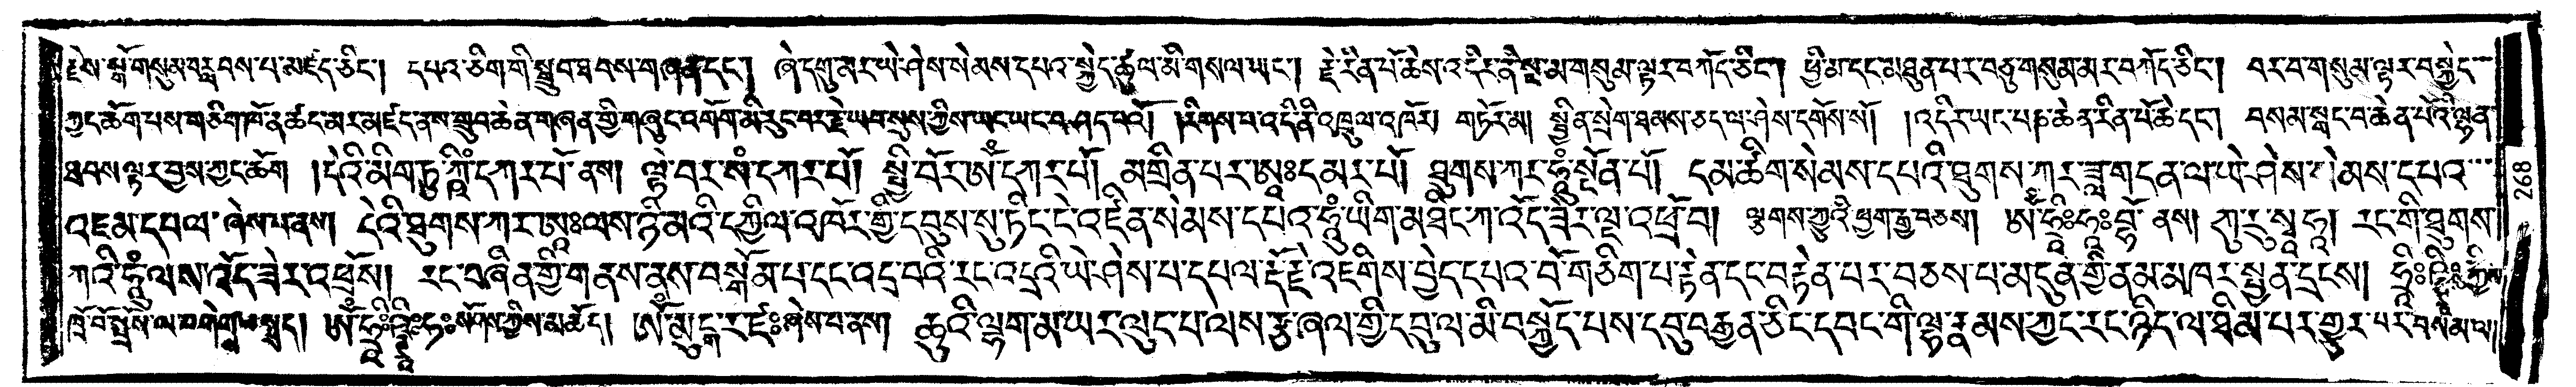རྗེས་སྒོ་གསུམ་བརླབས་པ་མཛད་ཅིང་། དཔའ་ཅིག་གི་སྒྲུབ་ཐབས་གཞན་དང་། ཞེ་དགུ་མར་ཡེ་ཤེས་སེམས་དཔའ་སྐྱེད་ཚུལ་མི་གསལ་ཡང་། རྗེ་རིན་པོ་ཆེས་འདིར་ནི་སྔ་མ་གསུམ་ལྟར་བཀོད་ཅིང་། ཕྱི་མ་དང་མཐུན་པར་བཅུ་གསུམ་མར་བཀོད་ཅིང་། བར་བ་གསུམ་ལྟར་བསྐྱེད་
ཀྱང་ཆོག་པས་གཅིག་ཁོ་ན་ཚང་མར་མཛད་ནས་གྲུབ་ཆེན་གཞན་གྱི་གཞུང་འགོག་མི་རུང་བར་རྗེ་ཡབ་སུས་ཀྱིས་ཡང་ཡང་བཤད་པའོ། །རིགས་པ་འདི་ནི་འཁྲུལ་འཁོར། གཏོར་མ། སྦྱིན་སྲེག་ཐམས་ཅད་ལ་ཤེས་དགོས་སོ། །འདིར་ཡང་པཎ་ཆེན་རིན་པོ་ཆེ་དང་། བསམ་སྒང་བ་ཆེན་པོའི་ལྷན་
ཐབས་ལྟར་བྱས་ཀྱང་ཆོག །དེའི་མིག་ཏུ་ཀྵིཾ་དཀར་པོ་ནས། ལྟེ་བར་སཾ་དཀར་པོ། སྤྱི་བོར་ཨོཾ་དཀར་པོ། མགྲིན་པར་ཨཱཿདམར་པོ། ཐུགས་ཀར་ཧཱུཾ་སྔོན་པོ། དམ་ཚིག་སེམས་དཔའི་ཐུགས་ཀར་ཟླ་གདན་ལ་ཡེ་ཤེས་སེམས་དཔའ་
འཇམ་དཔལ་ཞེས་པ་ནས། དེའི་ཐུགས་ཀར་ཨཱཿལས་ཉི་མའི་དཀྱིལ་འཁོར་གྱི་དབུས་སུ་ཏིང་ངེ་འཛིན་སེམས་དཔའི་ཧཱུཾ་ཡིག་མཐིང་ཀ་འོད་ཟེར་ལྔ་འཕྲོ་བ། ལྕགས་ཀྱུའི་ཕྱག་རྒྱ་བཅས། ཨོཾ་ཧྲཱིཿཧཱཿབྷོ་ནས། ཀུ་རུ་སྭཱཧཱ། རང་གི་ཐུགས་
ཀའི་ཧཱུཾ་ལས་འོད་ཟེར་འཕྲོས། རང་བཞིན་གྱི་གནས་ནས་བསྒོམ་པ་དང་འདྲ་བའི་རང་འདྲའི་ཡེ་ཤེས་པ་དཔལ་རྡོ་རྗེ་འཇིགས་བྱེད་དཔའ་བོ་གཅིག་པ་རྟེན་དང་བརྟེན་པར་བཅས་པ་མདུན་གྱི་ནམ་མཁར་སྤྱན་དྲངས། ཧྲཱིཿཥྚྲཱིཿཀྱིས་
ཁྲོ་བོ་སྤྲོས་ལ་བགེགས་བསྐྲད། ཨོཾ་ཧྲཱིཿཥྚྲཱིཿཧཿསོགས་ཀྱིས་མཆོད། ཨོཾ་མུངྒ་ར་ཛཿཞེས་པ་ནས། ཆུའི་ལྷག་མ་ཡར་ལུང་པ་ལས་རྩ་ཞལ་གྱི་དབུ་ལ་མི་བསྐྱོད་པས་དབུ་བརྒྱན་ཅིང་དབང་གི་ལྷ་རྣམས་ཀྱང་རང་ཉིད་ལ་ཐིམ་པར་གྱུར་པར་བསམ་ལ།